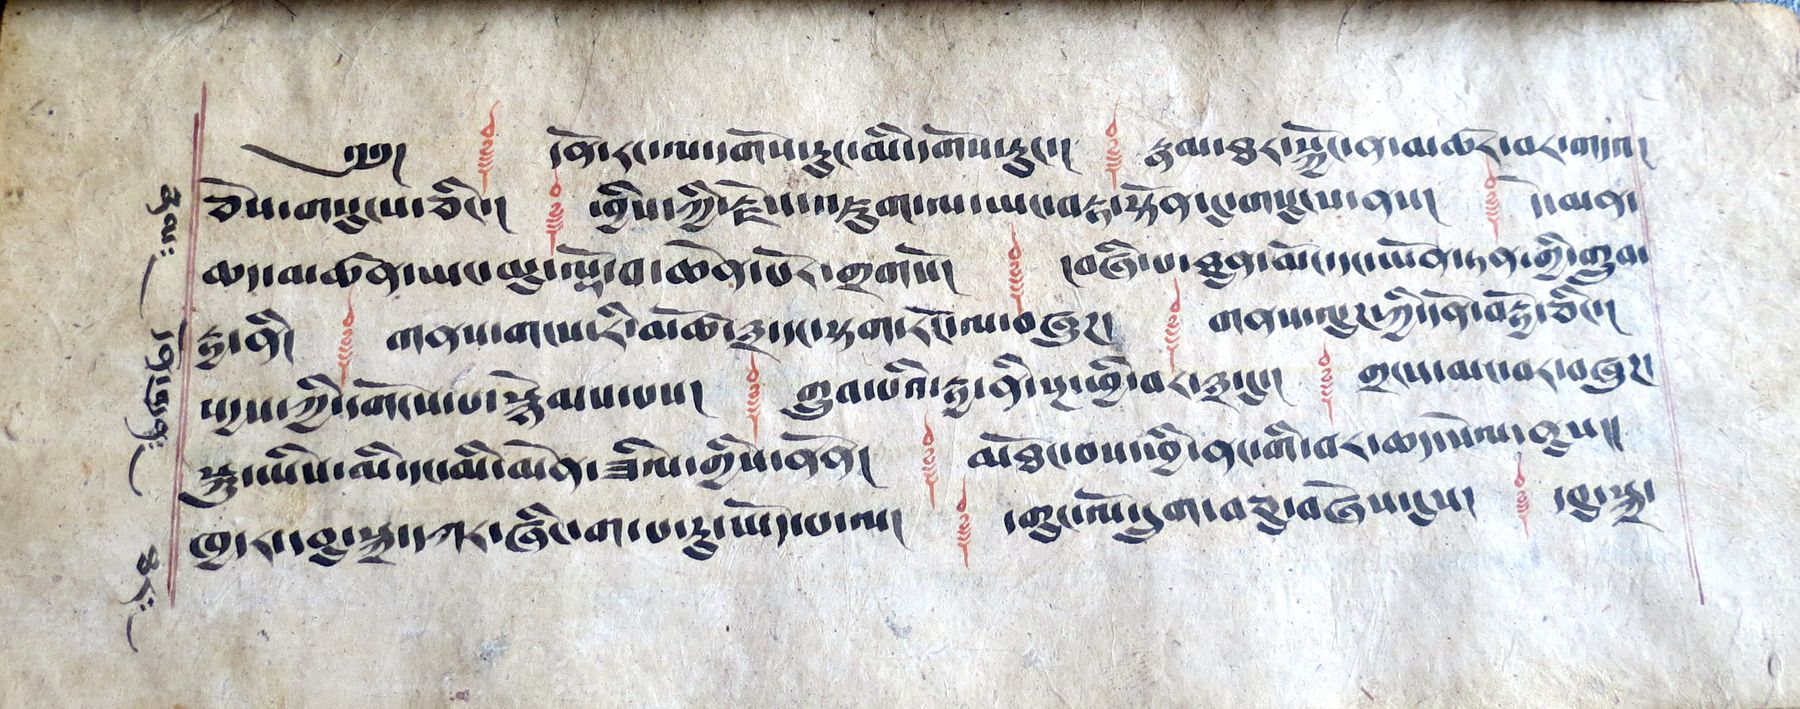དོན་རང་ལ་དགོས་རུང་མི་དགོས་རུང་། རྣམ་ཐར་སྐྱོང་ན་འཚལ་བར་གདའ། །
 ཞེས་གསུངས་ཤིང་། ཕྱིས་ཀྱི་རྗེས་འཇུག་ལ་བརྡ་སྟོན་དུ་གསུངས་ནས། དེ་མན་
ཆད་མཚན་ཡང་མུ་ལྟོ་བ་ཆེན་པོར་གྲགས་སོ། ། བཞི་པ་ཐུན་མོང་དང་ཡོན་ཏན་གྱི་གྲུབ་
རྟགས་ནི། གནས་གངས་རི་མཚོ་གསུམ་དང་སྟག་རོང་ལ་བཞུགས། གནས་ལུགས་ཀྱི་དོན་རྟོགས་ཤིང་
སངས་རྒྱས་ཀྱི་དགོངས་པ་བསྙེམས་པས། གྲུབ་པའི་རྟགས་ནི་སྔ་ཕྱི་བར་གསུམ་དུ། གྲངས་མང་བར་བཞུགས། 
སྐུ་ཡིས་མི་དང་མི་མིན་ཟིལ་གྱིས་ནོན། མཐོང་བས་ཕྱི་ནང་གི་བར་ཆོད་སེལ་ནུས། 
ཁྱད་པར་དབུ་སྐྲ་དཀར་ཞིང་དཀར་པོ་རུ་ཡོད་པ་ལ། དགུང་ལོ་དྲུག་ཅུ་བཞེས་དུས། དབུ་སྐྲ་གནག་